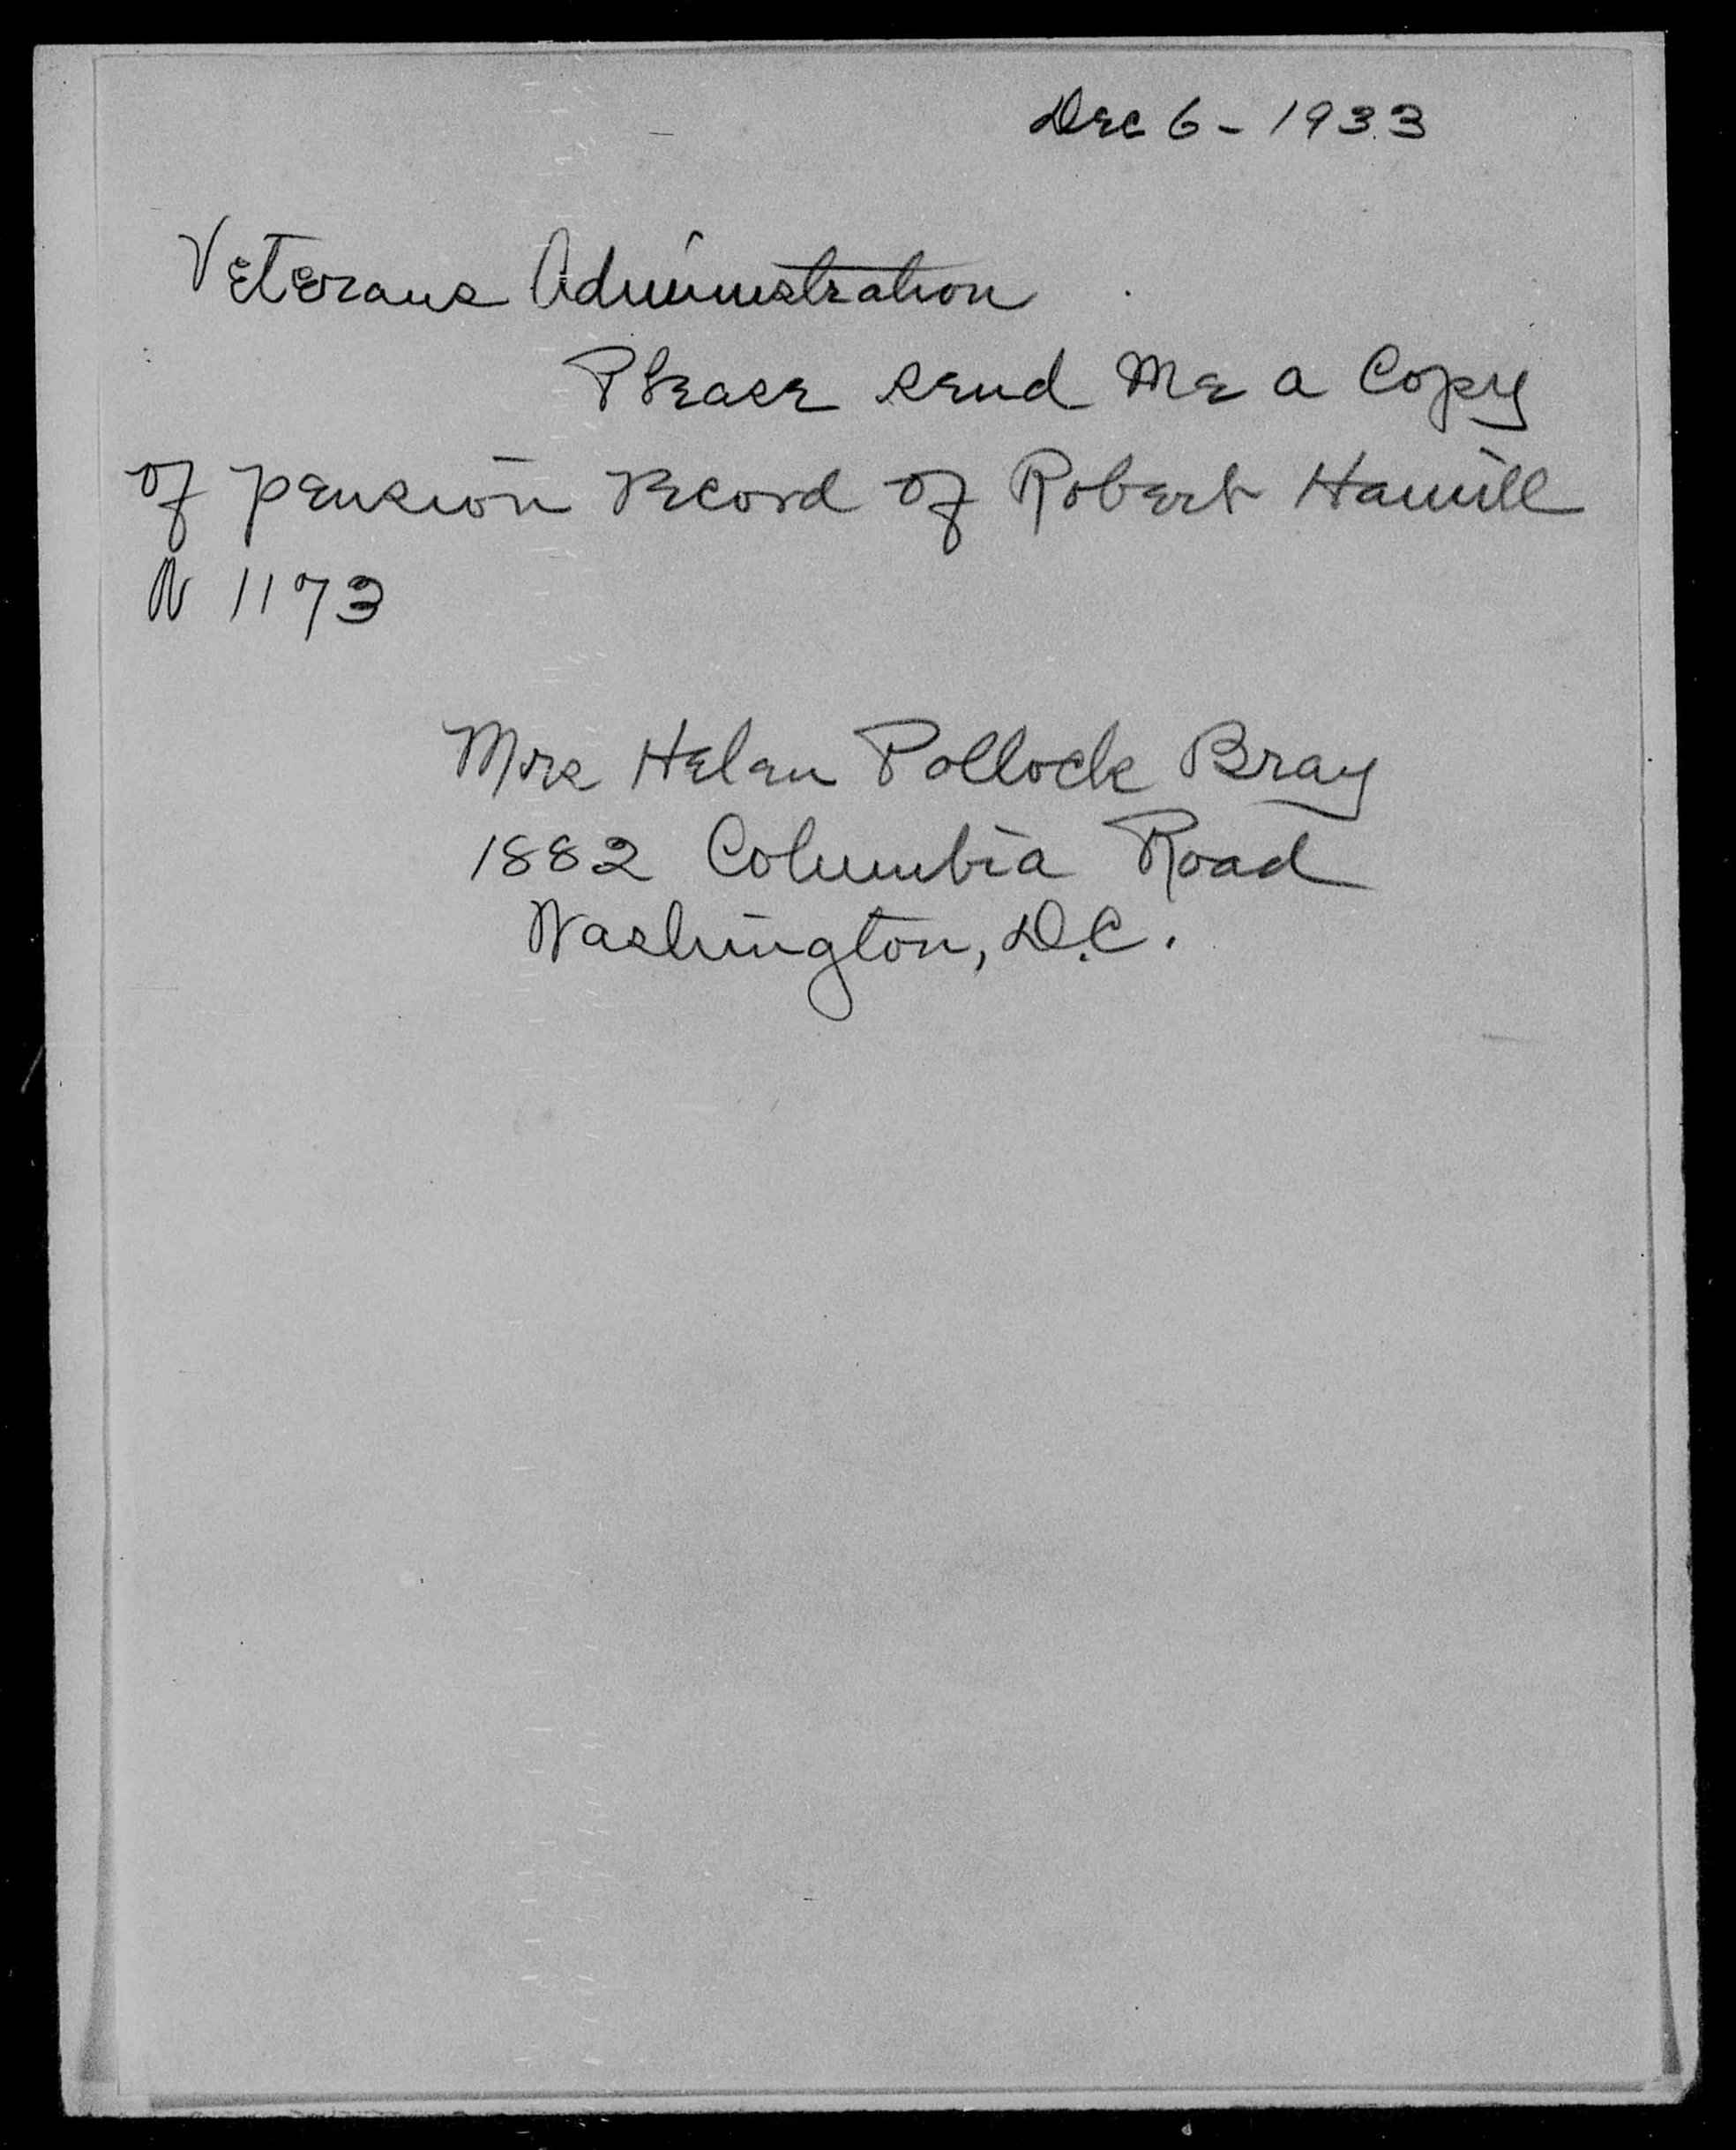Dec 6 - 1933
Veterans Administration
Please send me a copy
of pension record of Robert Hamill
N 1173
Mrs Helen Pollock Bray
1882 Columbia Road
Washington, D.C.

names: Robert Hamill, Helen Pollock Bray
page: 38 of 92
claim: widow's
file: W 1173, Robert Hamill, Penn.